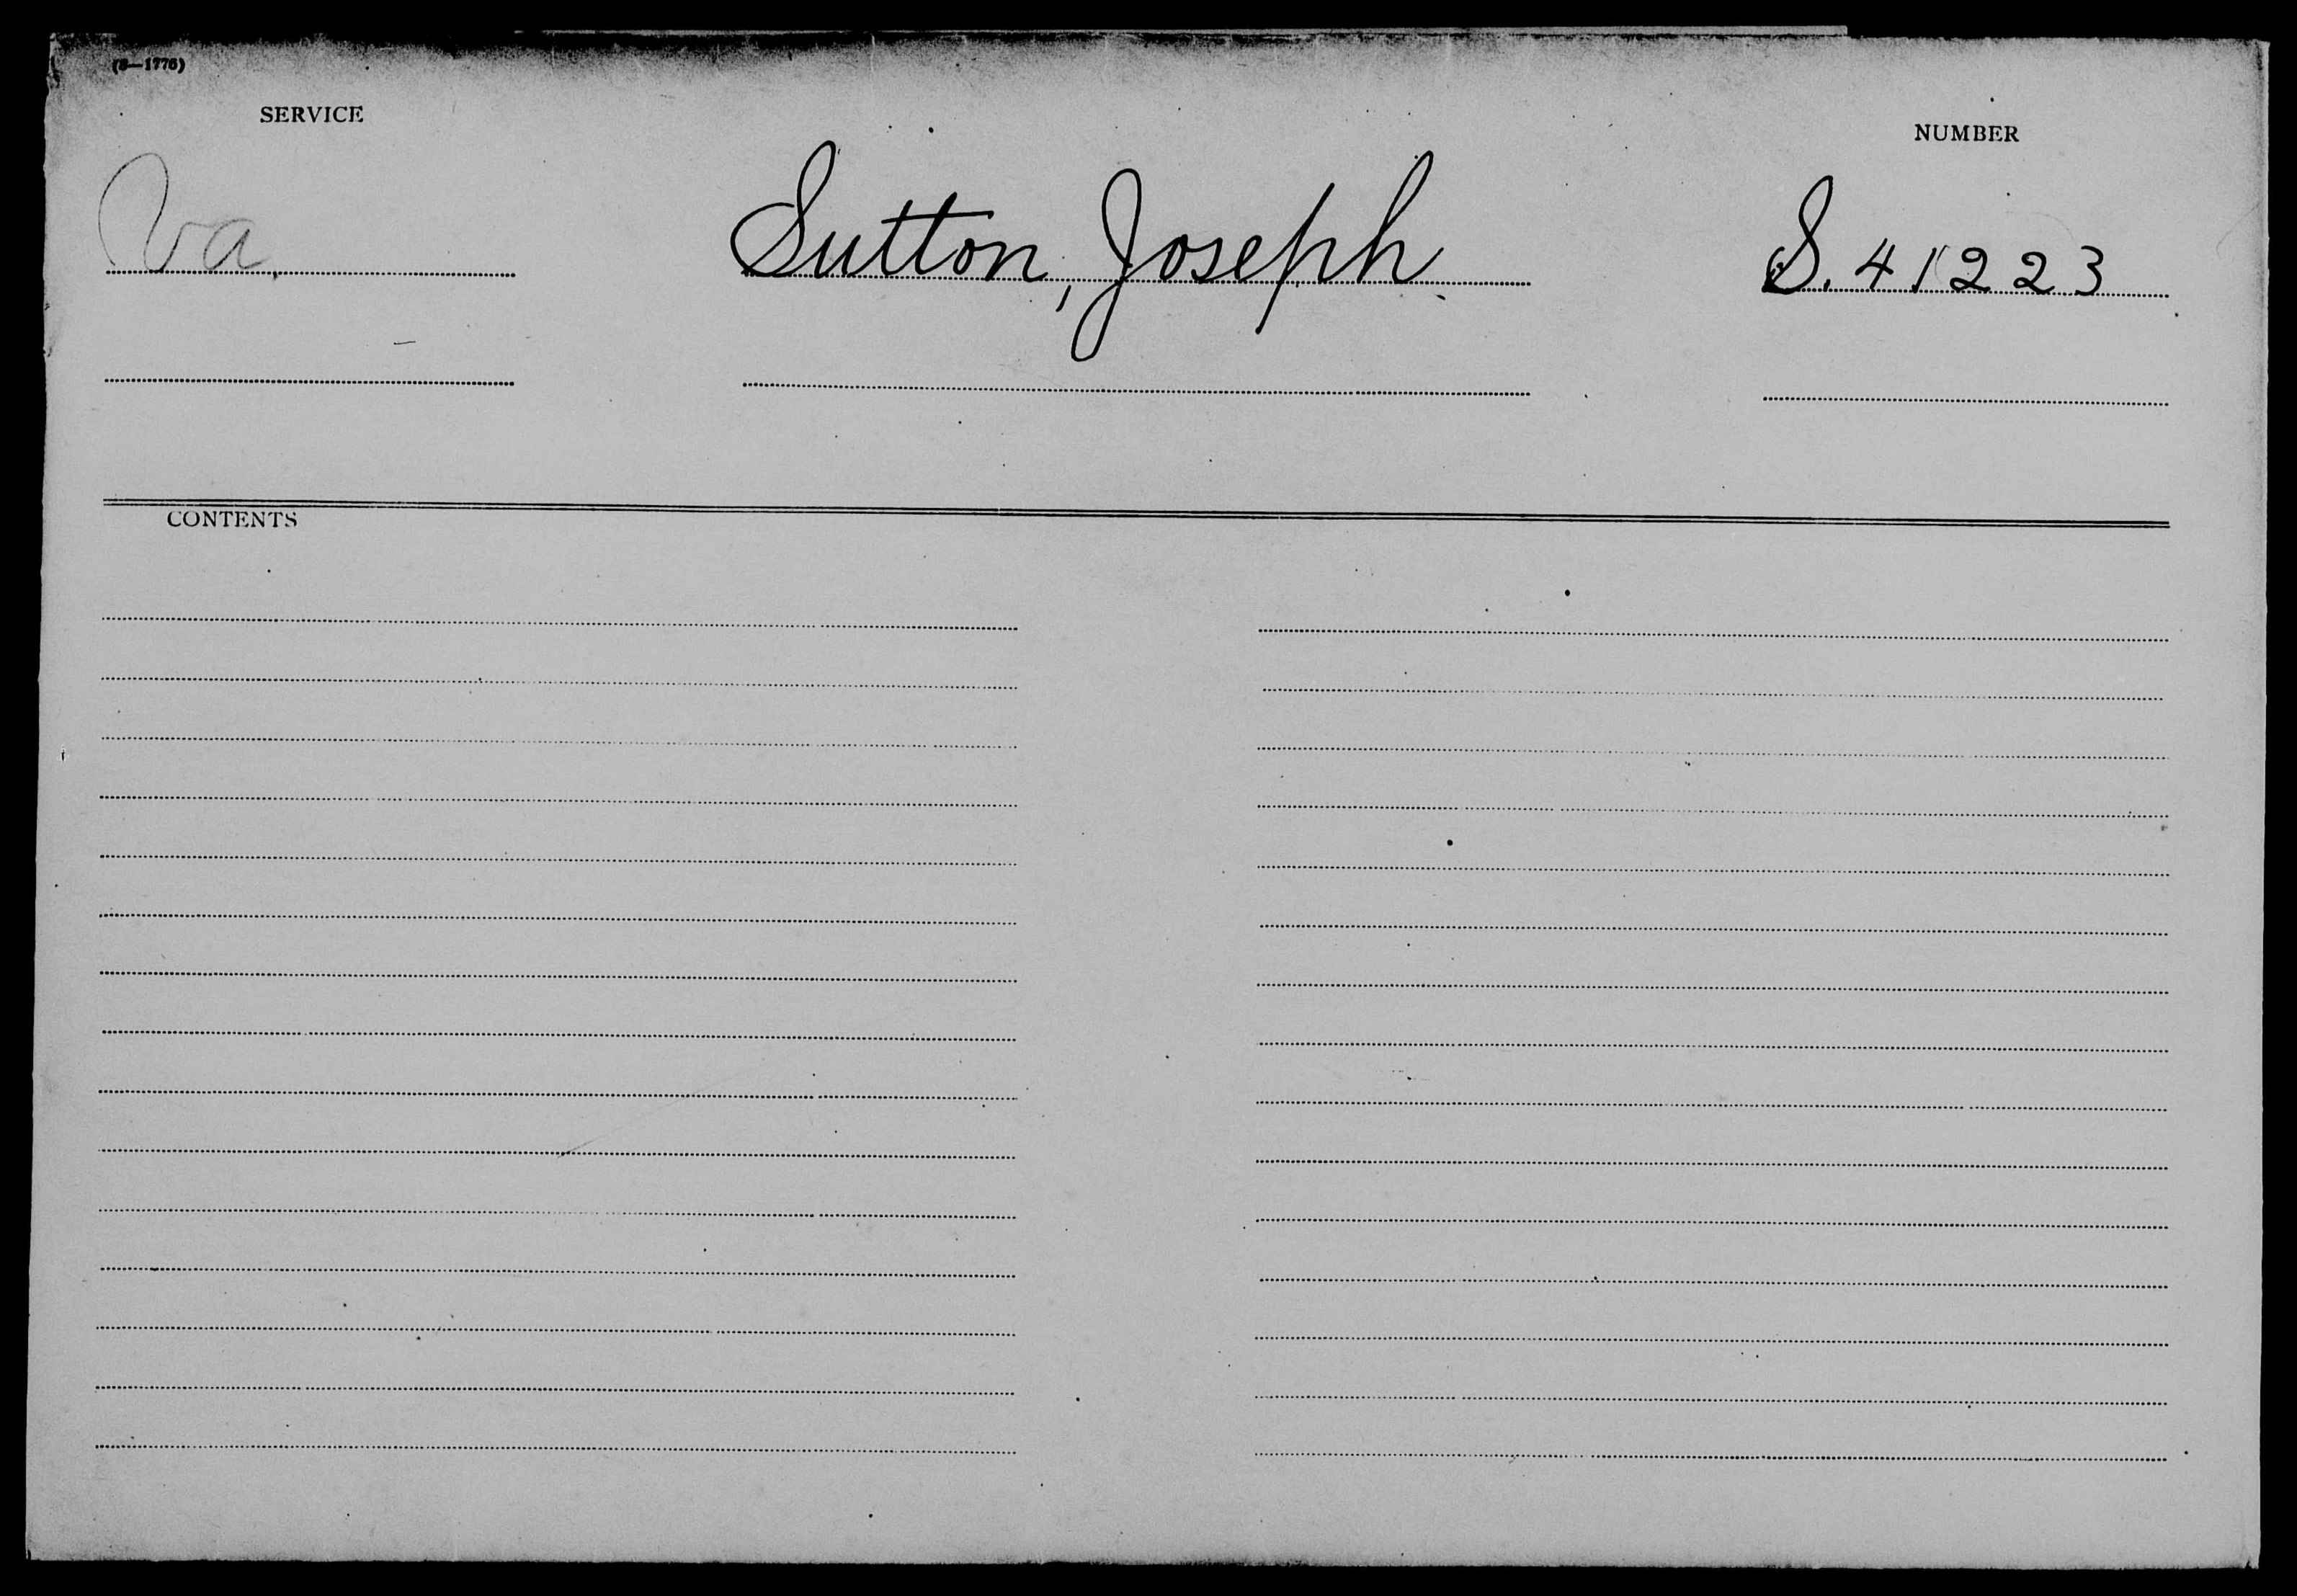[8-1776]
SERVICE
Va
Sutton, Joseph
NUMBER
S.41223
CONTENTS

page: 1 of 21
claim: survivor's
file: S. 41223, for Joseph Sutton, Virginia